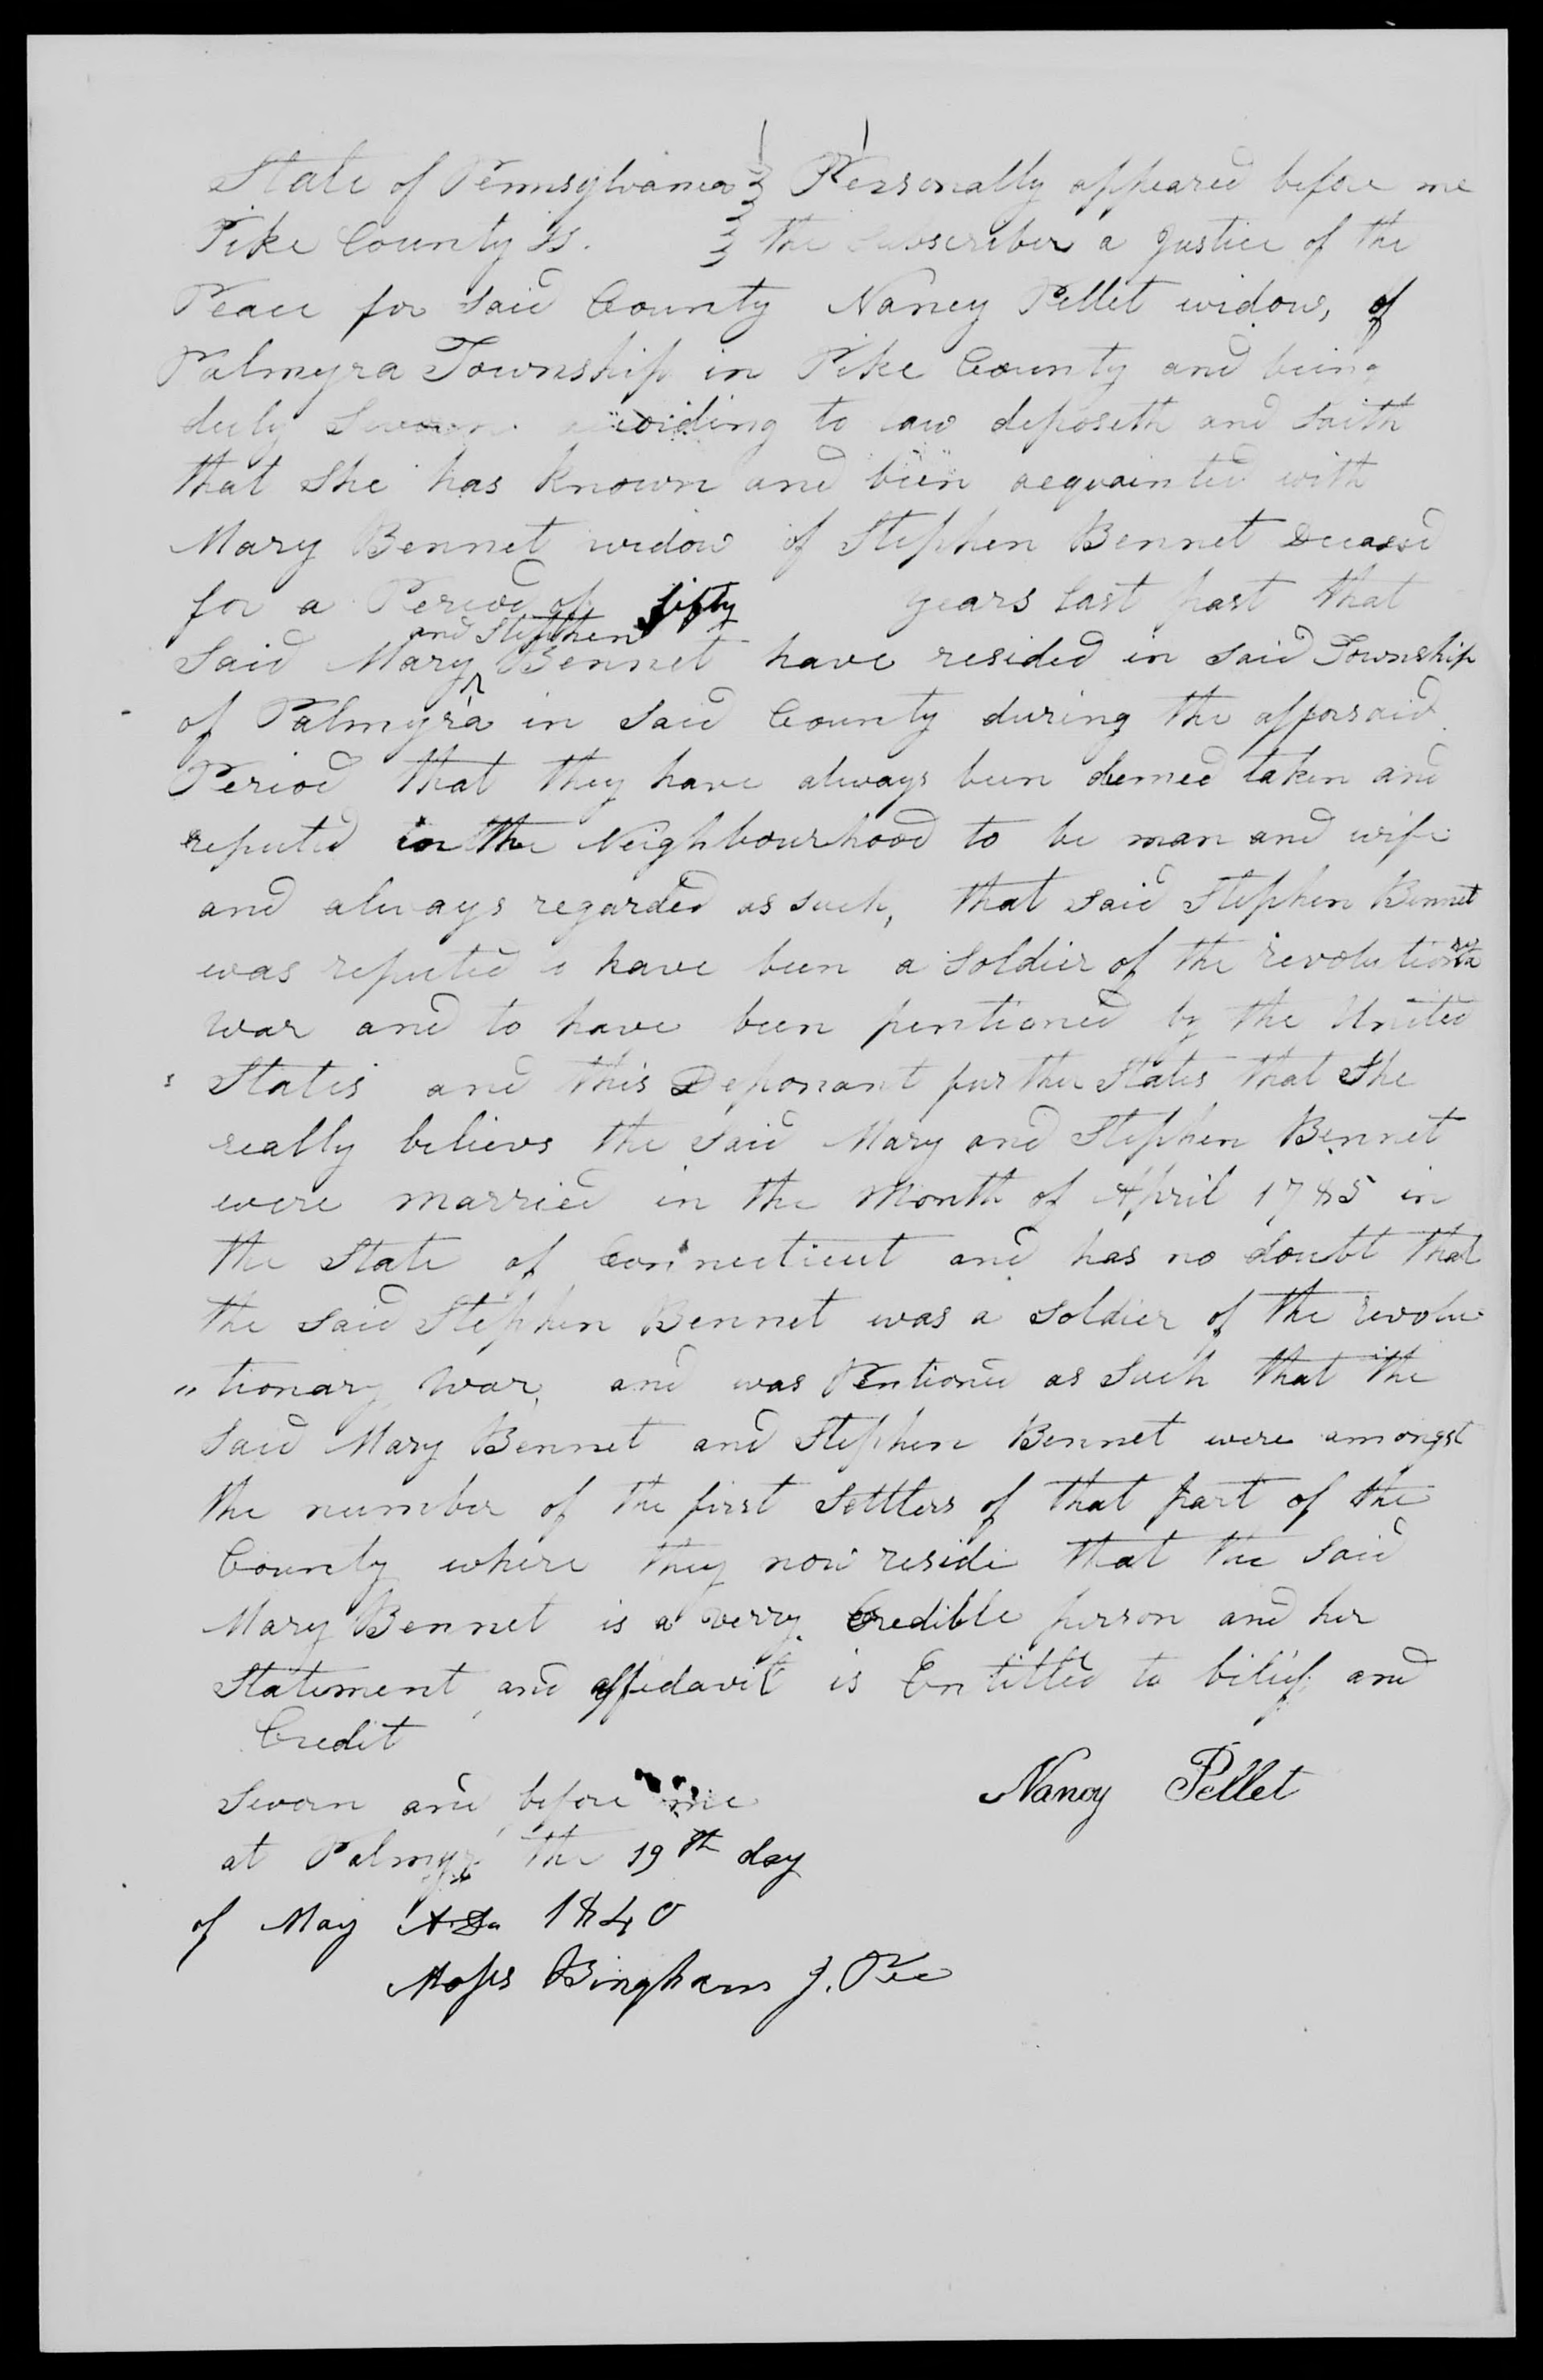State of Pennsylvania
Pike County

Personally appeared before me the Subscriber a Justice of the Peace for said County Nancy Pellet widow, of Palmyra Township in Pike County and being duly sworn according to law deposeth and saith that she has known and been acquainted with Mary Bennet widow of Stephen Bennet deceased for a period of fifty years last past that said Mary and Stepehn Bennet have resided in said Township of Palmyra in said County during the aforesaid Period. That they have always been deemed taken and reputed in the Neighborhood to be man and wife and always regarded as such, that said Stephen Bennet was reputed to have been a Soldier of the revolutionary war and to have been pentioned by the United States and this deponent further states that she really believes the said Mary and Stephen Bennet were married in the month of April 1785 in the State of Connecticut and has not doubt that the said Stephen Bennet was a soldier of the revolutionary war, and was Pentioned as such that the said Mary Bennet and Stephen Bennet were among the number of the first settlers of that part of the County where they now reside. That the said Mary Bennet is a very credible person and her Statement and affidavit is Entitled to belief and Credit.

Nancy Pellet

Sworn before me at Palmyra the 19th day of May A.D. 1840
Moses Bingham
J. Peace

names: Nancy Pellet, Moses Bingham, Stephen Bennet, Mary Bennet, Stephen Bennet, Mary Bennet, Stephen Bennet, Mary Bennet, Mary Bennet, Nancy Pellet, Stephen Bennet, Stephen, Mary Bennet, Stephen Bennet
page: 31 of 79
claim: widow's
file: W. 2,906, Stephen Bennet, Conn.